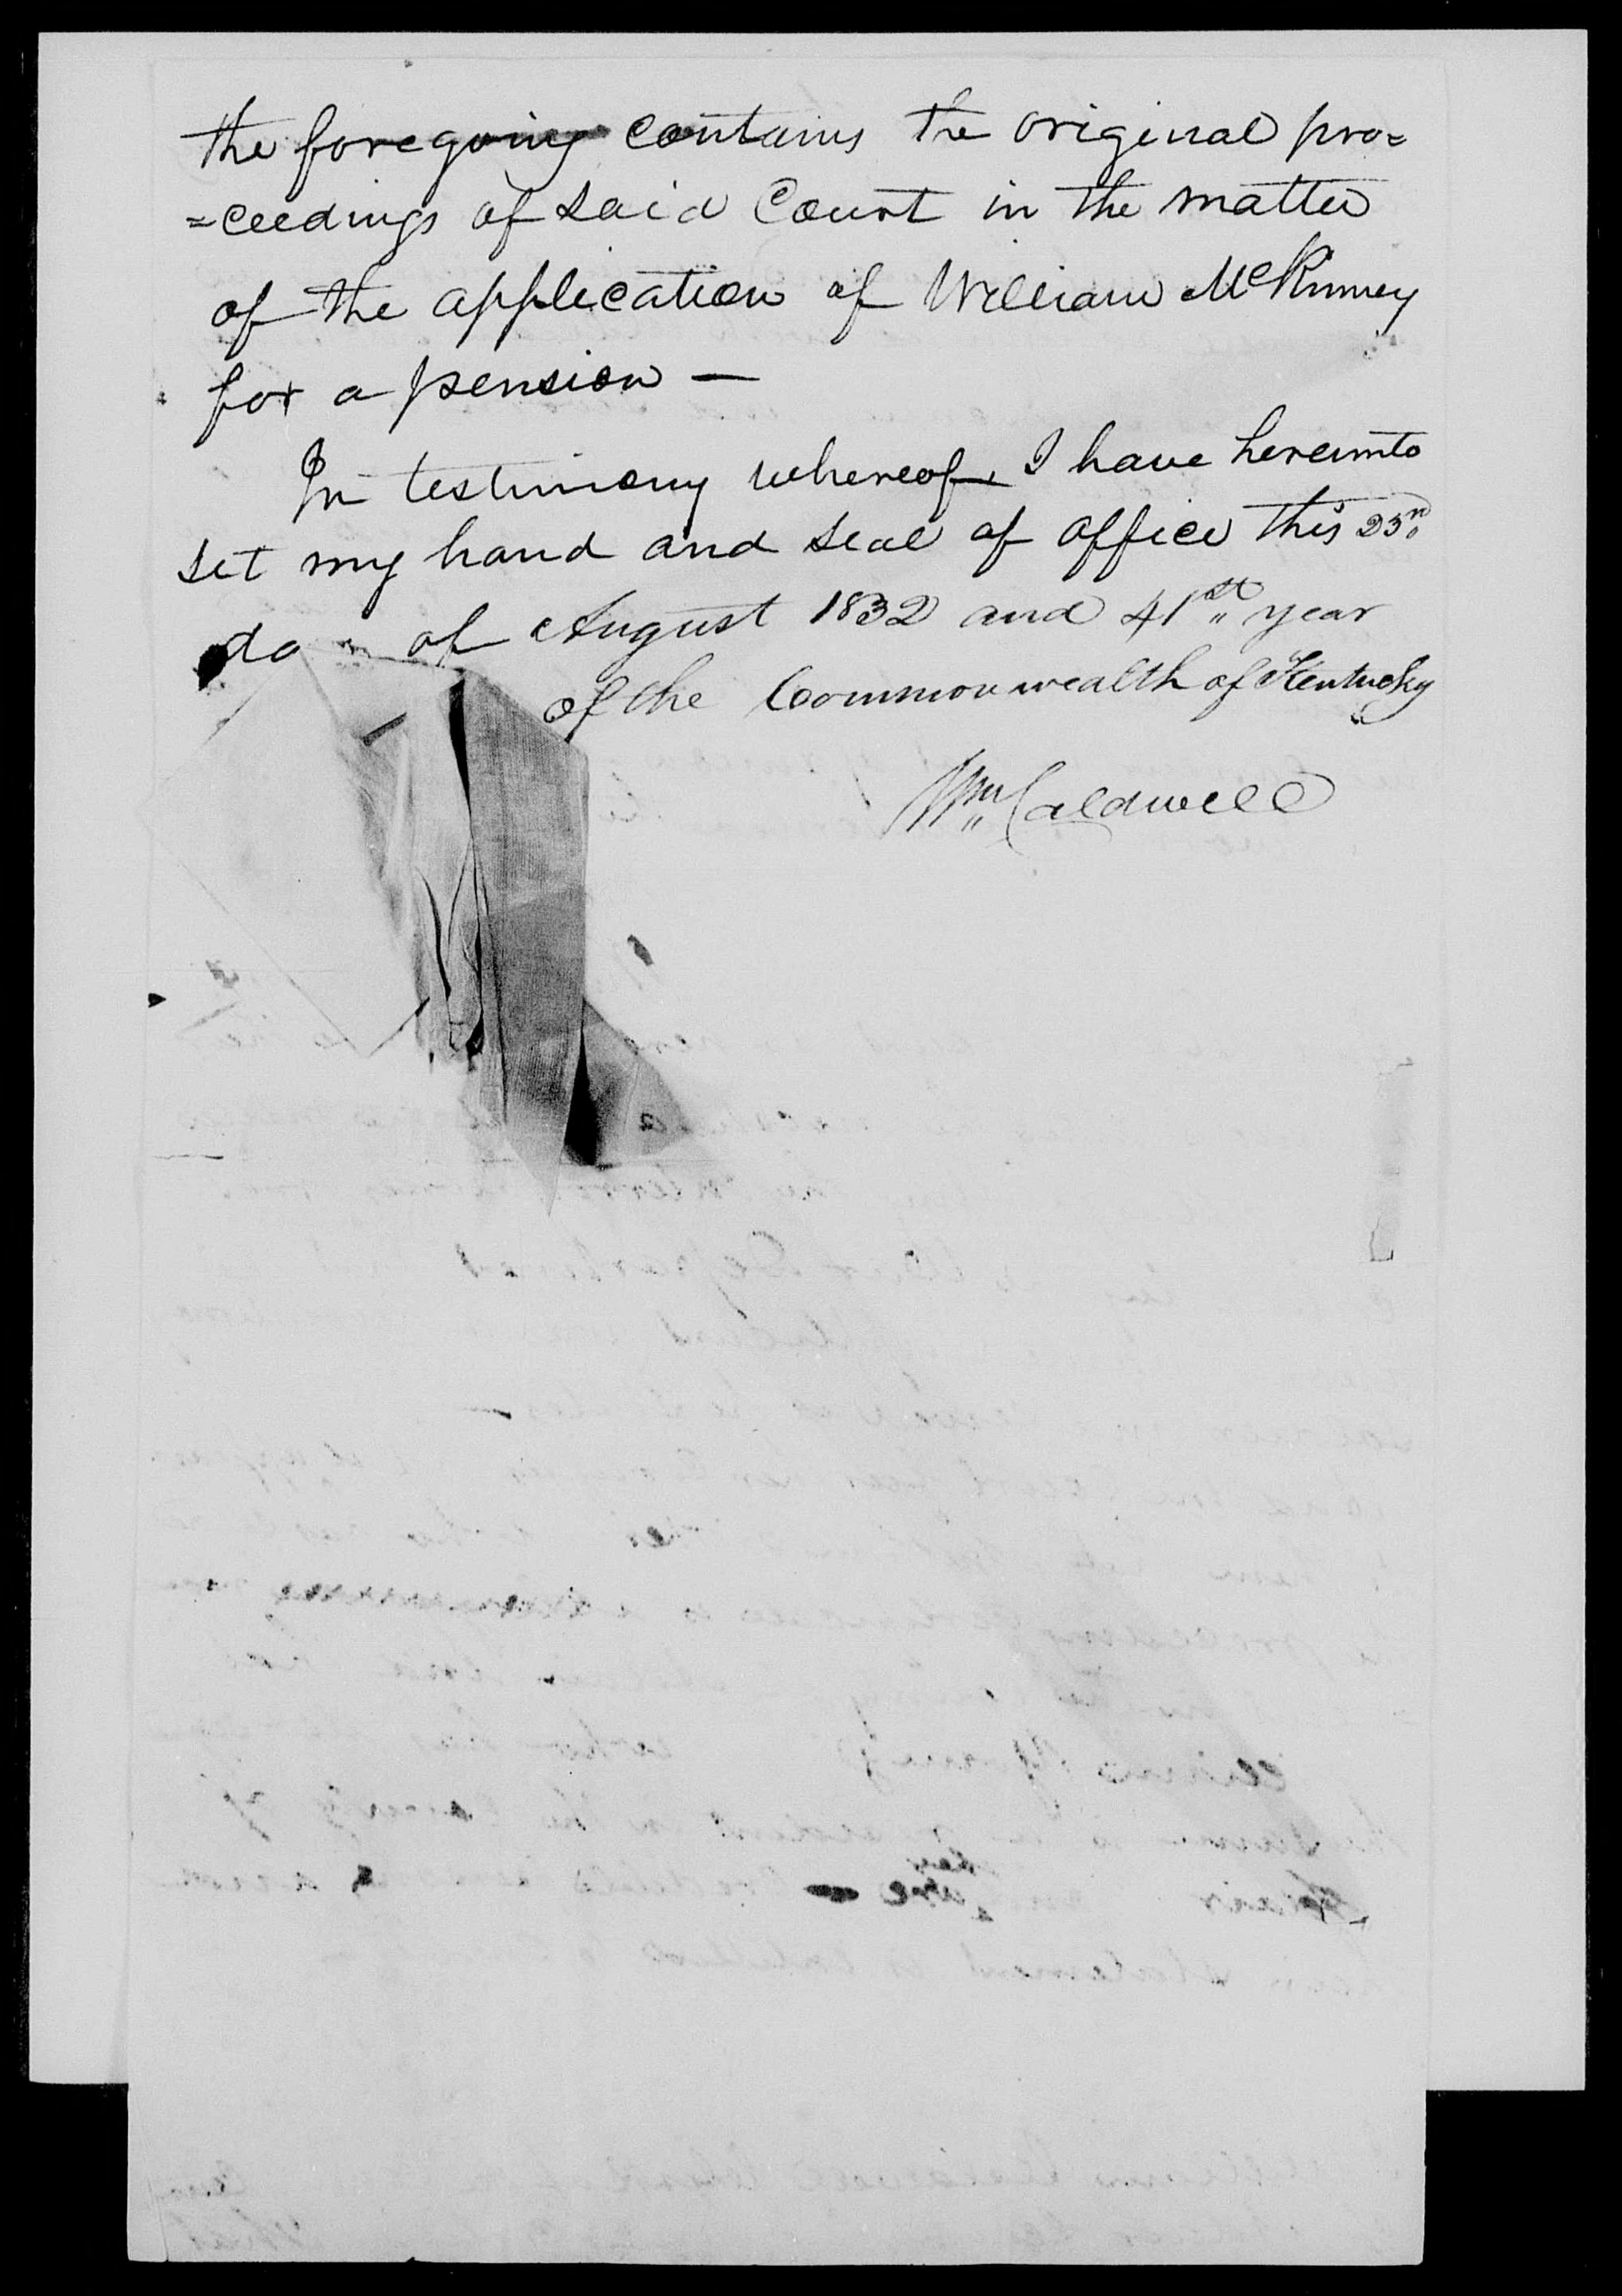the foregoing contains the original proceedings of said Court in the matter of the application of William McKinney for a pension- 
In testimony whereof I have hereinto set my hand and seal of offices this 23rd day of August 1832 and 41st year of the Commonwealth of Kentucky
Wm Caldwell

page: 9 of 28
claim: survivor's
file: S. 16,470, for William Mc Kinney, Georgia